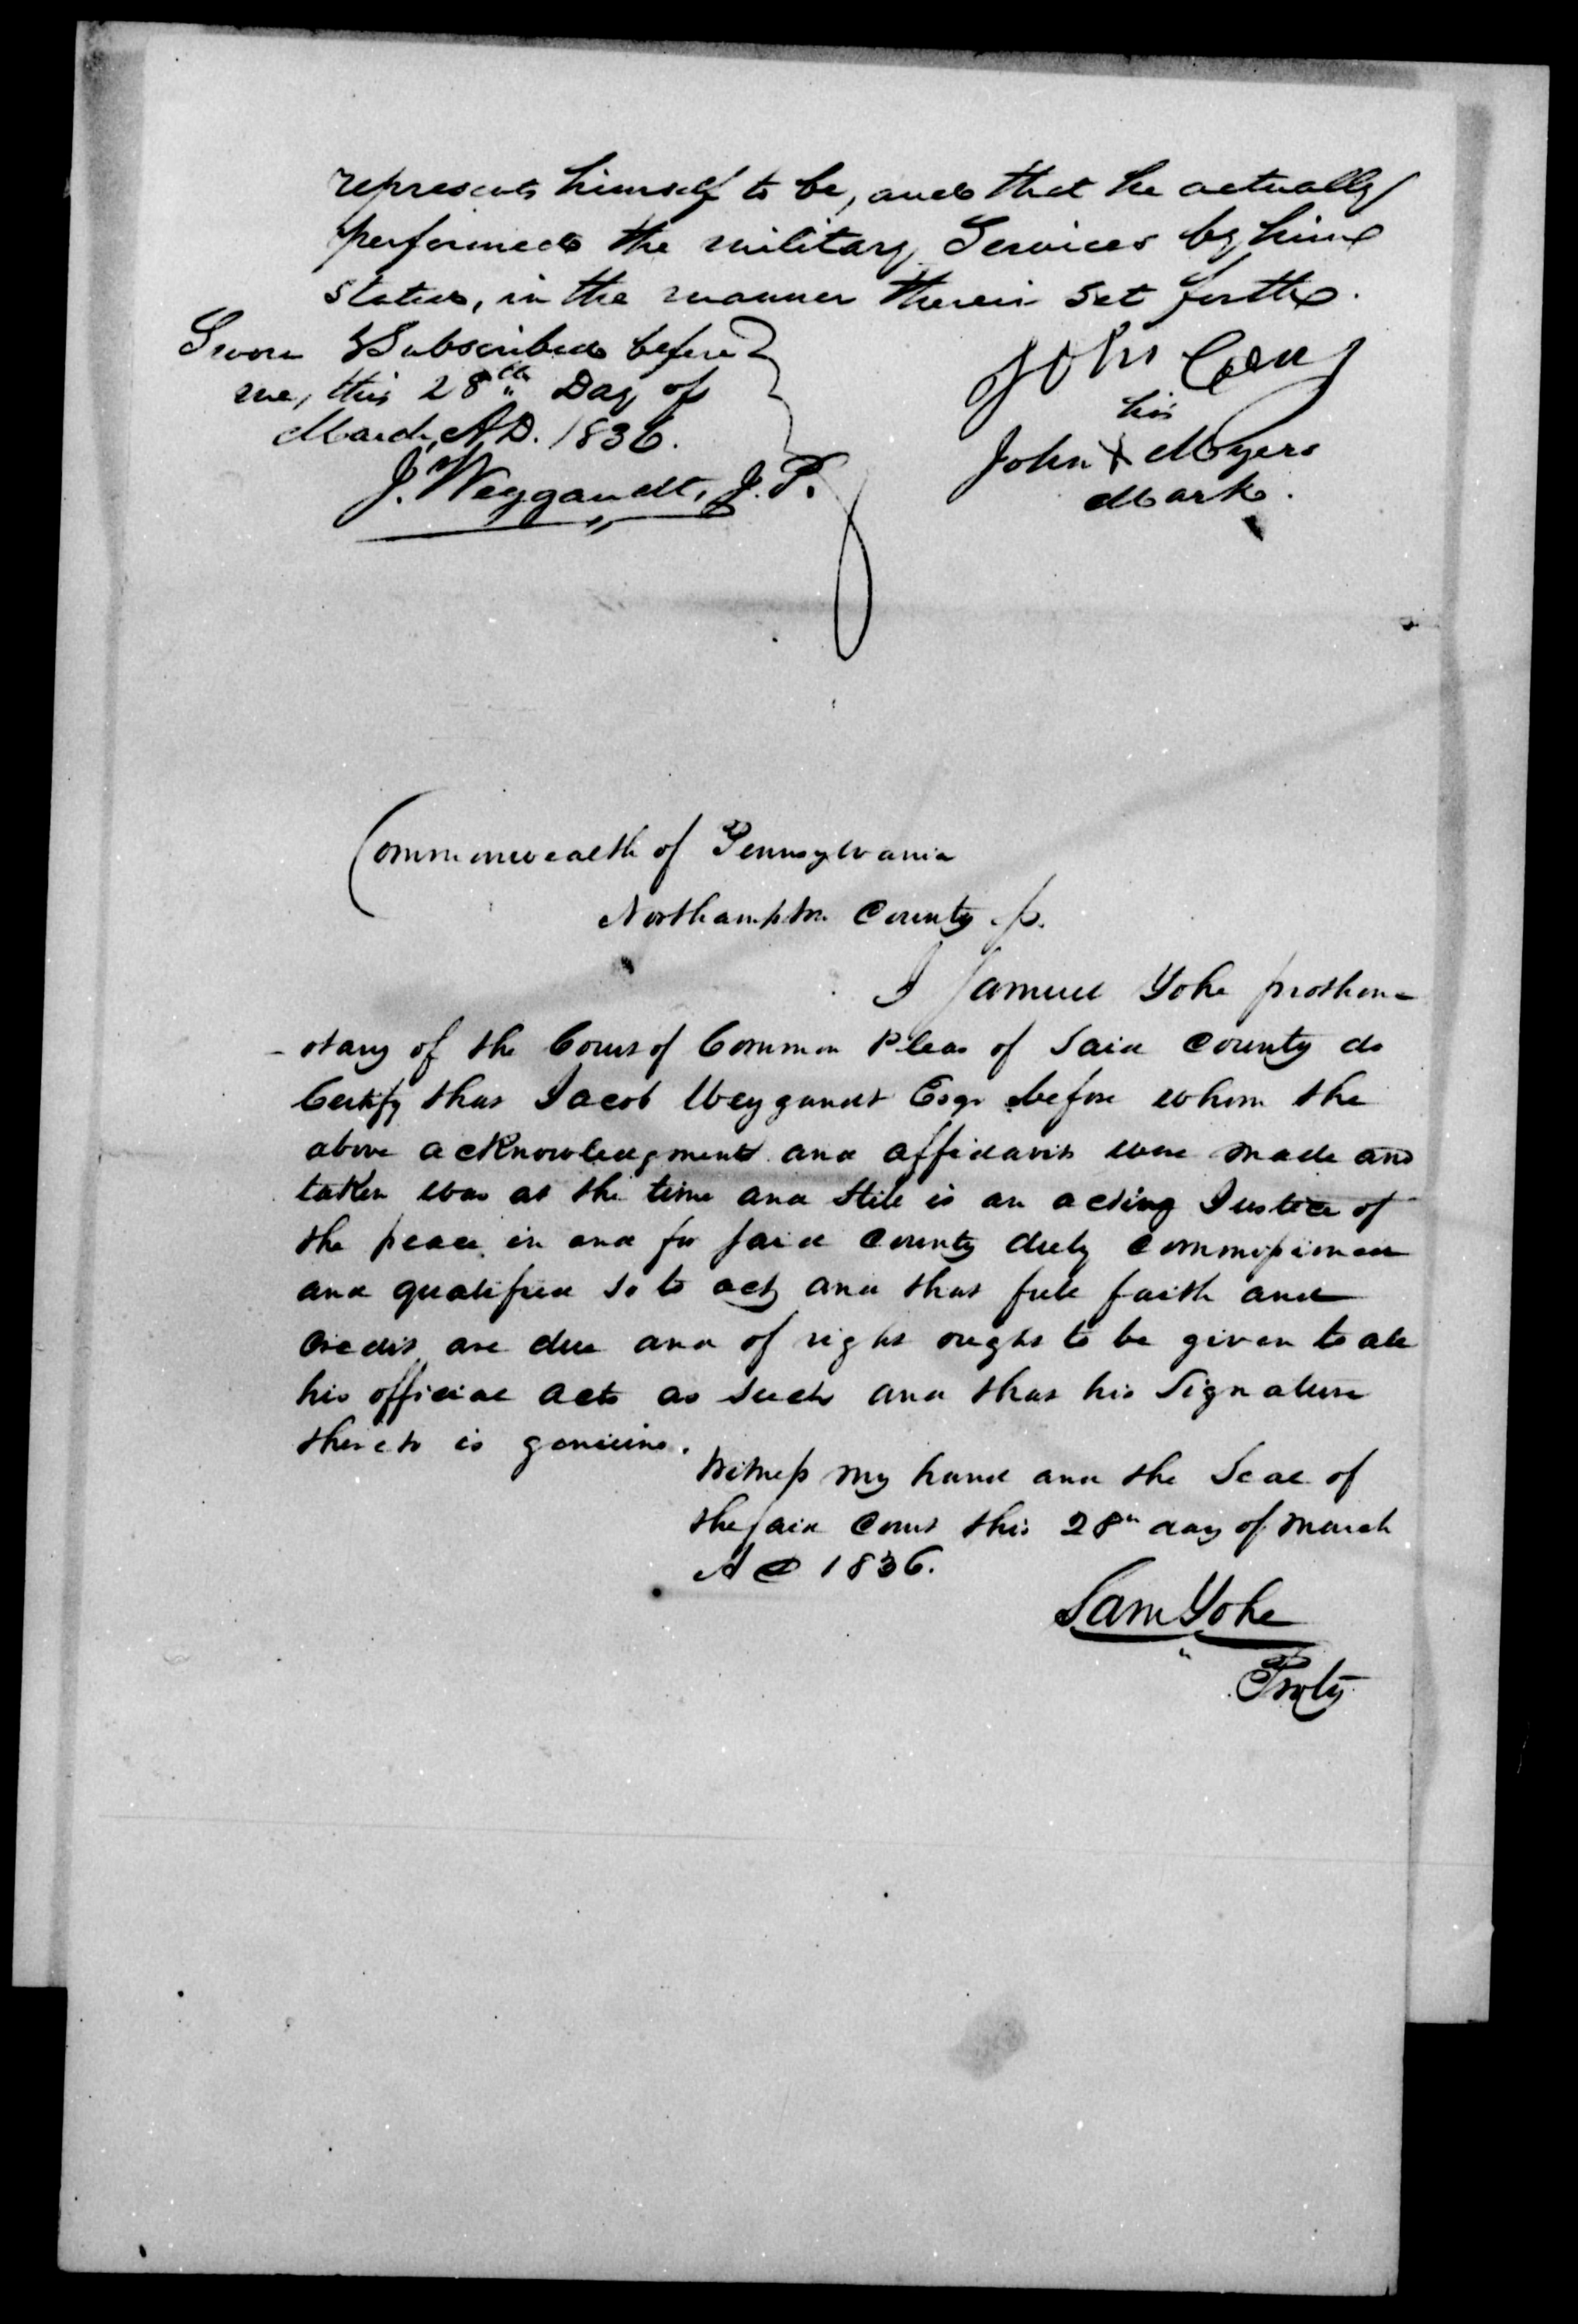represents himself to be, and that he actually performed the military Services by him stated, in the manner therein set forth.
(Signed) John Carey
(Signed) John (his X mark) Myers

Sworn & Subscribed before }
on this 28th Day of }
March, A.D. 1836 }
(Signed) J. Weygandt, J. P. 


Commonwealth of Pennsylvania
Northampton County ss.
I Samuel Yohe prothonotary of the Court of Common Pleas of Said County do Certify that Jacob Weygandt Esqr before whom the above acknowledgement and affidavit were made and taken was at the time and still is an acting Justice of the Peace in and for said County duly commissioned and qualified to act and that full faith and credit are due and of right ought to be given to all his official acts as such and that his signature thereto is genuine.
Witness my hand and the Seal of the said Court this 28th day of March AD 1836
(Signed) Sam Yohe
Proty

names: Samuel Yohe; John Carey; J Weygandt; Jacob Weygandt; Sam Yohe; John Myers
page: 10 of 19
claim: survivor's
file: S. 40410, for Ludwig Shoup, Pennsylvania